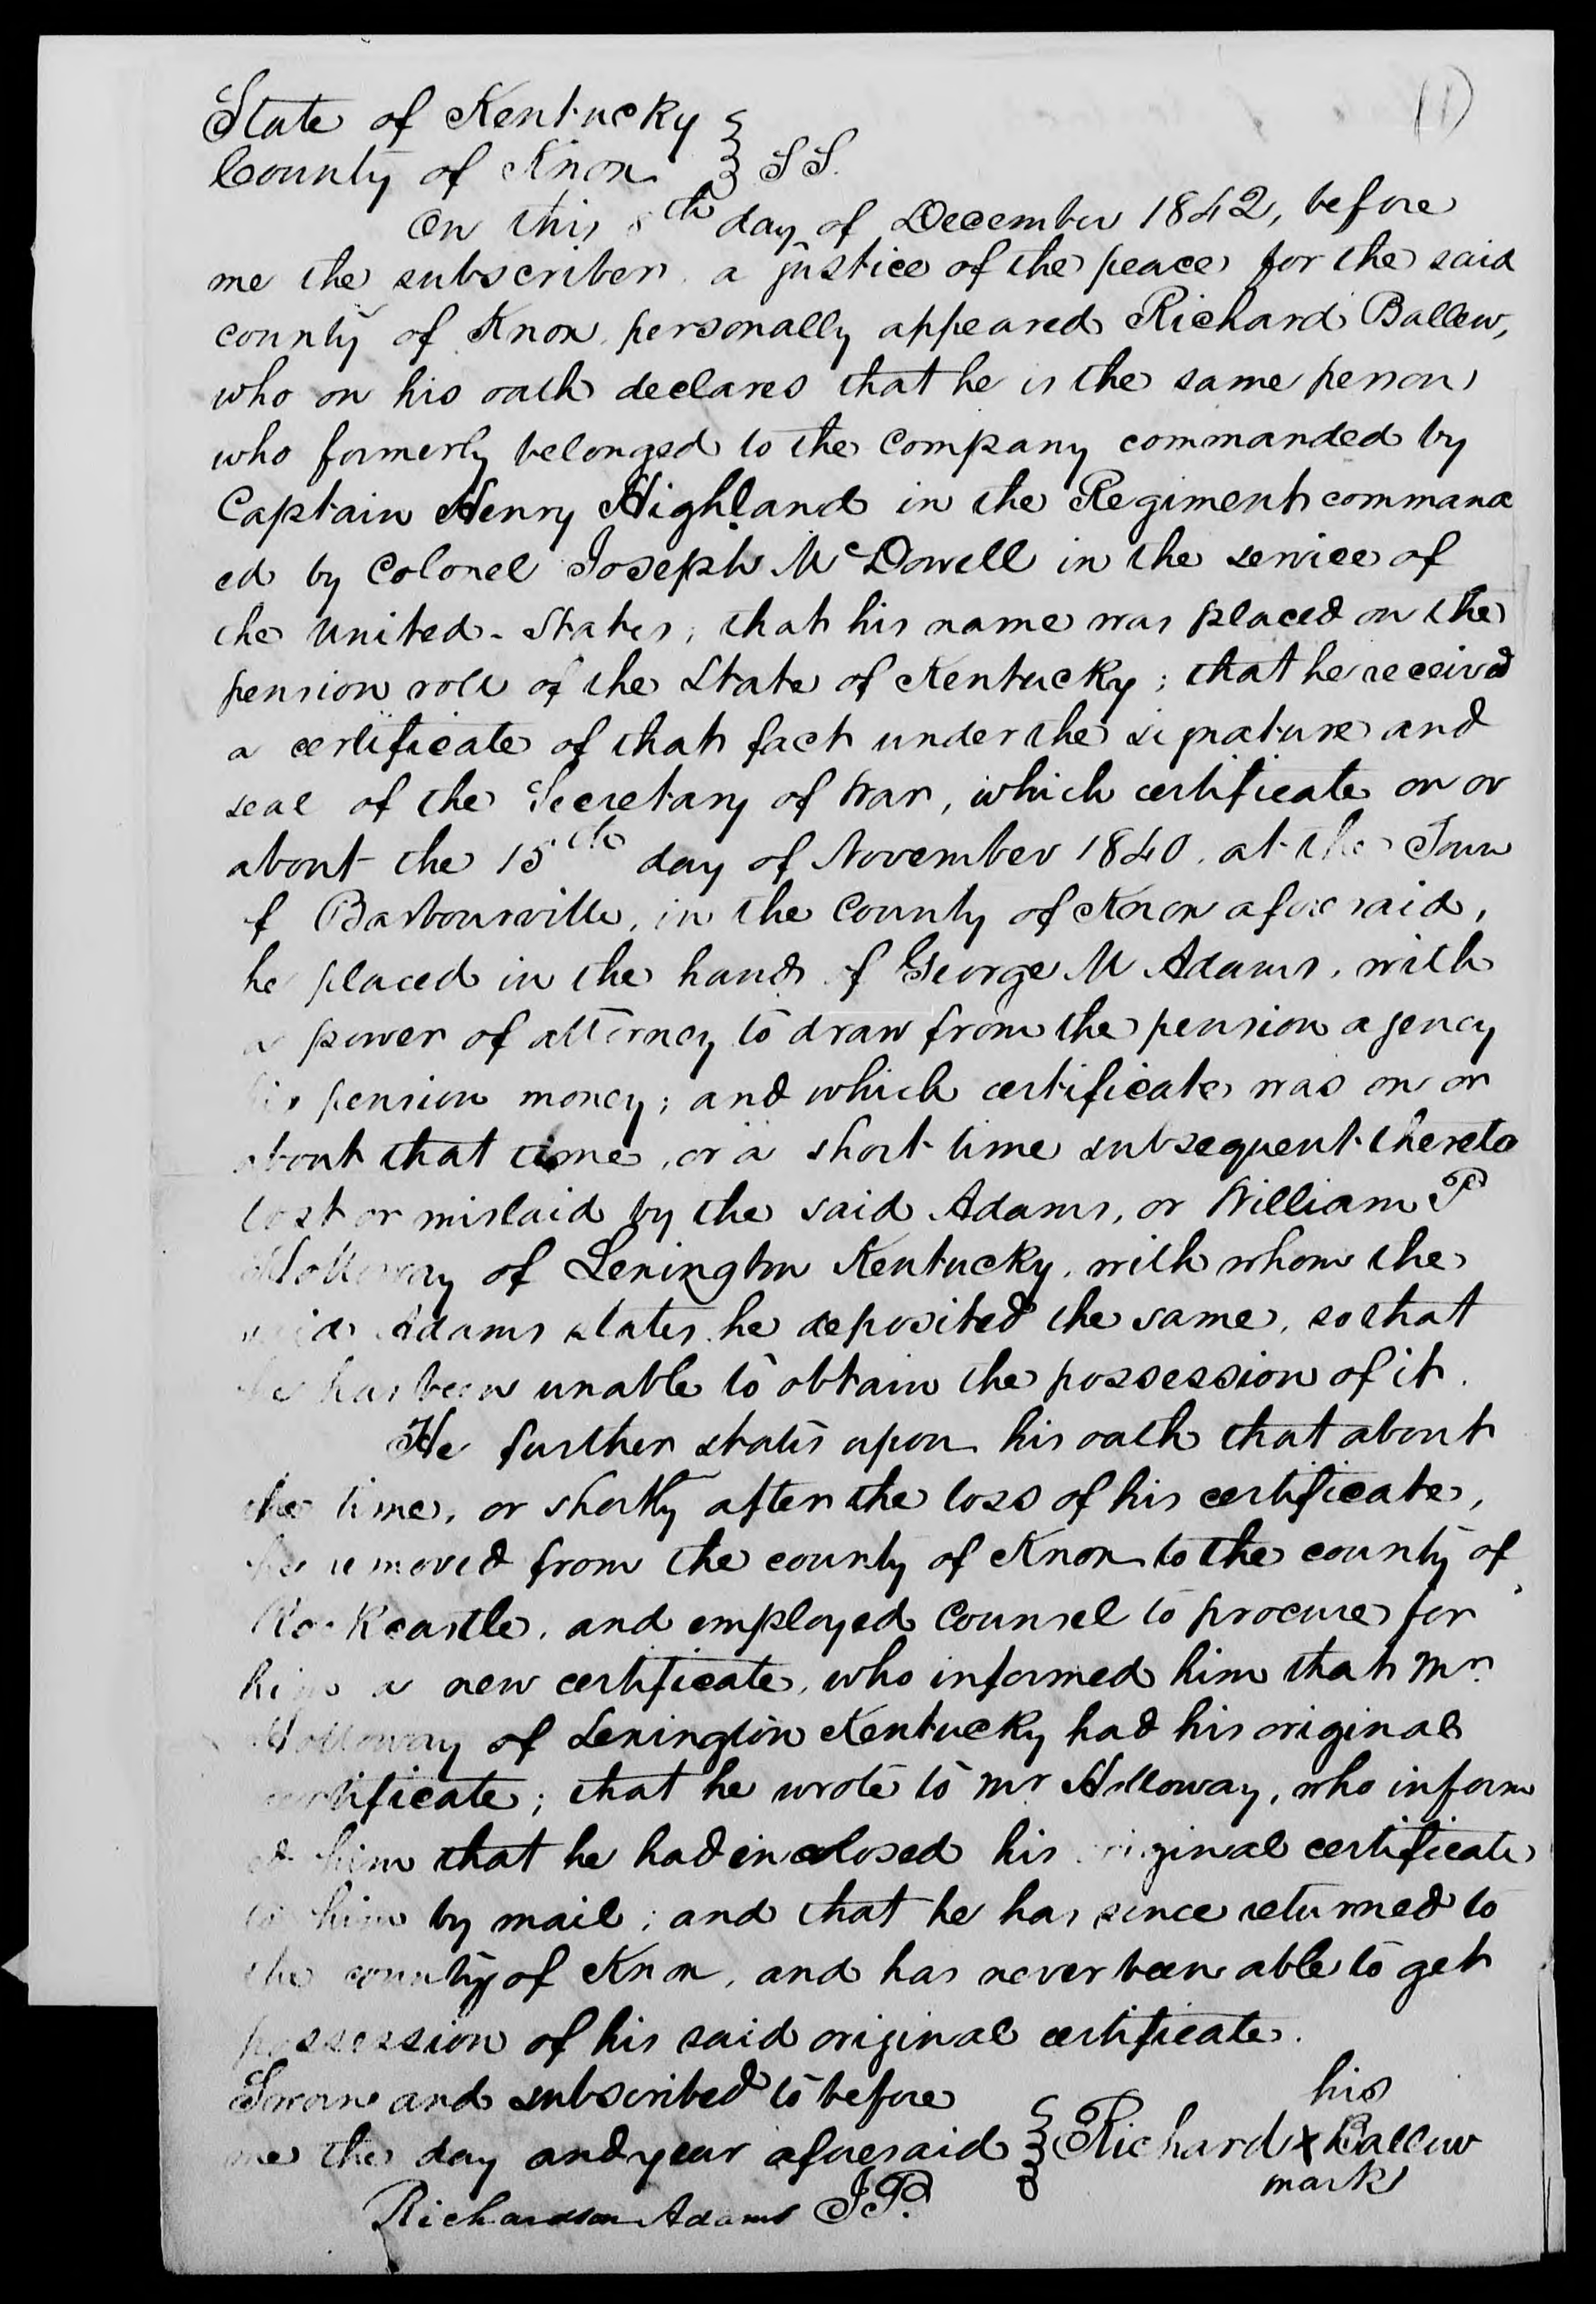State of Kentucky
County of Knox  S.S
On this 8th day of December 1842, before
me the subscriber a justice of the peace for the said
county of Knox, personally appeared Richard Ballew,
who on his oath declares that he is the same person
who formerly belonged to the company commanded by
Captain Henry Highland in the regiment commanded
by Colonel Joseph McDowell in the service of
the United States, that his name was placed on the
pension roll of the State of Kentucky; that he received
a certificate of that fact under the signature and
seal of the Secretary of War, which certificate on or
about the 15th day of November 1840, at the Town
of Barbourville, in the County of Knox aforesaid,
he placed in the hands of George M. Adams, with
a power of attorney to draw from the pension agency
his pension money; and which certificate was on or
about that time, or a short time subsequent thereto
lost or mislaid by the said Adams, or William P
Holloway of Lexington Kentucky, with whom the
said Adams states he deposited the same, so that
he  has been unable to obtain the possession of it.
He further states upon his oath that about
the time, or shortly after the loss of his certificate, 
he removed from the county of Knox to the county of
Rockcastle, and employed counsel to procure for 
him a new certificate, who informed him that Mr.
Holloway of Lexington Kentucky had his original
certificate; that he wrote to Mr. Holloway, who informed
him that he had enclosed his original certificate
to him by mail; and that he has since returned to
the county of Knox, and has never been able to get
possession of his said original certificate.
(mark of Richard Ballew)
Sworn and subscribed to before me the day and year aforesaid.
(signature of Richardson Adams) J.P.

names: George M Adams, Holloway, Richardson Adams, William P Holloway, Joseph Mc Dowell, Adams, Adams, Holloway, Richard Ballew, Henry Highland, Richard Ballew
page: 25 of 33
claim: survivor's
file: S. 15305, Richard Ballew, N.C.